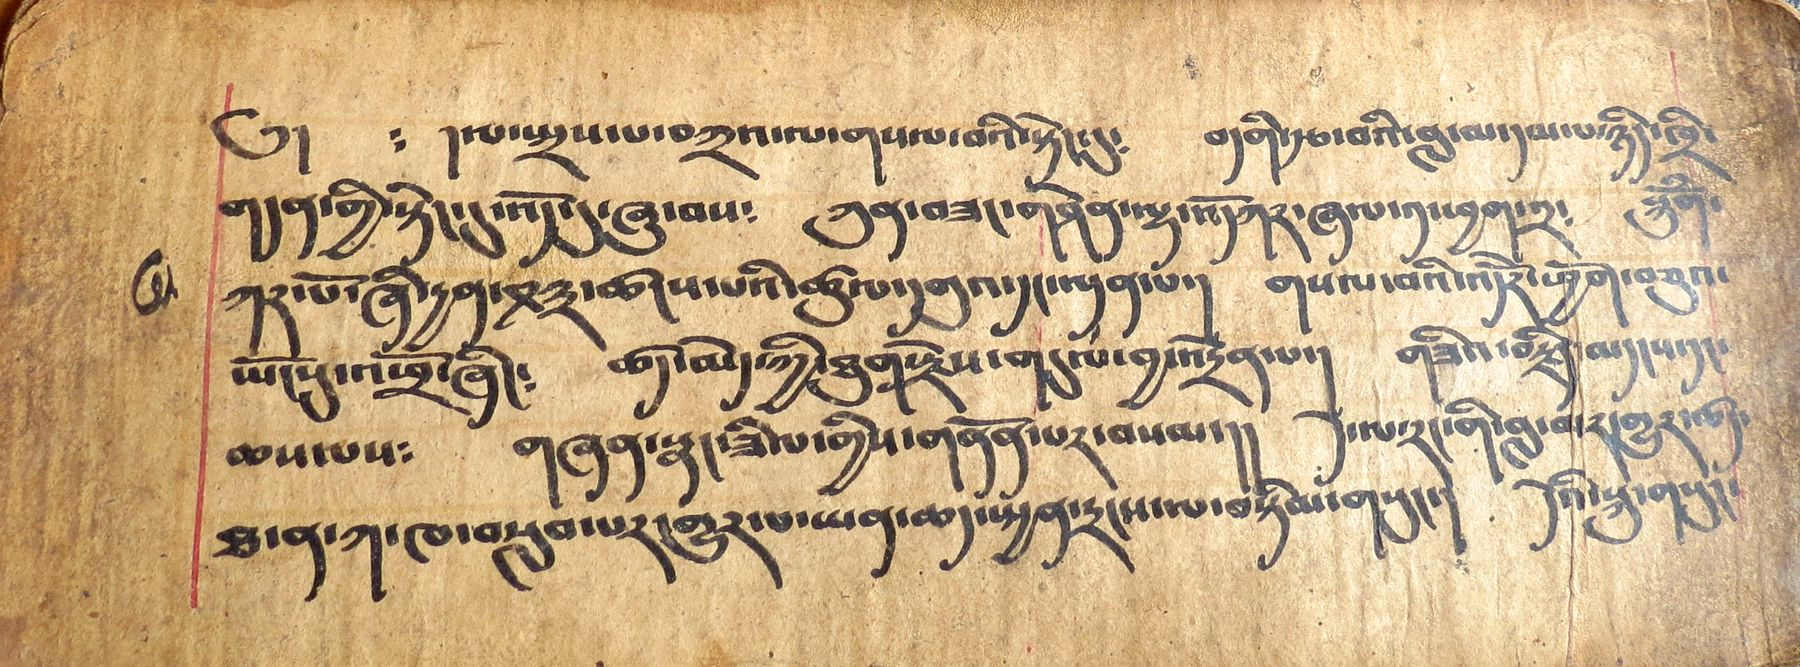ལ་སྤྲས་པ་བཀྲ་ལ་གསལ་བའི་སྟེང་དུ། བདག་གི་རྩ་བའི་བླ་མ་དམ་པ་ཉིད་ཁྲི་
གདན་གྱི་སྟེང་དུ་འོད་དུ་ཞུ་བས། ཀུན་བཟང་གཤེན་ལྷ་འོད་དཀར་ཞལ་གཅིག་ཕྱག་གཉིས། སྐུ་མདོག་
དཀར་པོ་ཞི་རྒྱན་བཅུ་གསུམ་ཚངས་པའི་ཚུལ་དགུ་དང་ལྡན་པ། གསལ་བའི་འོད་ཟེར་ཕྱོགས་བཅུ་
ཡོངས་སུ་འཕྲོ་ཞིང་། ཚད་མེད་ཀྱི་ཐུགས་རྗེས་གདུལ་བྱ་འདྲེན་པ། གཟི་བརྗིད་མདངས་དང་
ཆས་པས། གཞན་སྣང་ཟིལ་གྱིས་གནོན་པར་བསམ། དེ་ལ་རང་གི་བླ་མར་གྱུར་ཚད་
ཐ་ན་ཀ་ཁ་བསླབས་པ་ཡན་ཆད་སྤྱན་དྲོངས་ལ་བསྟིམས་གསུངས། དེའི་སྐུ་གསུང་